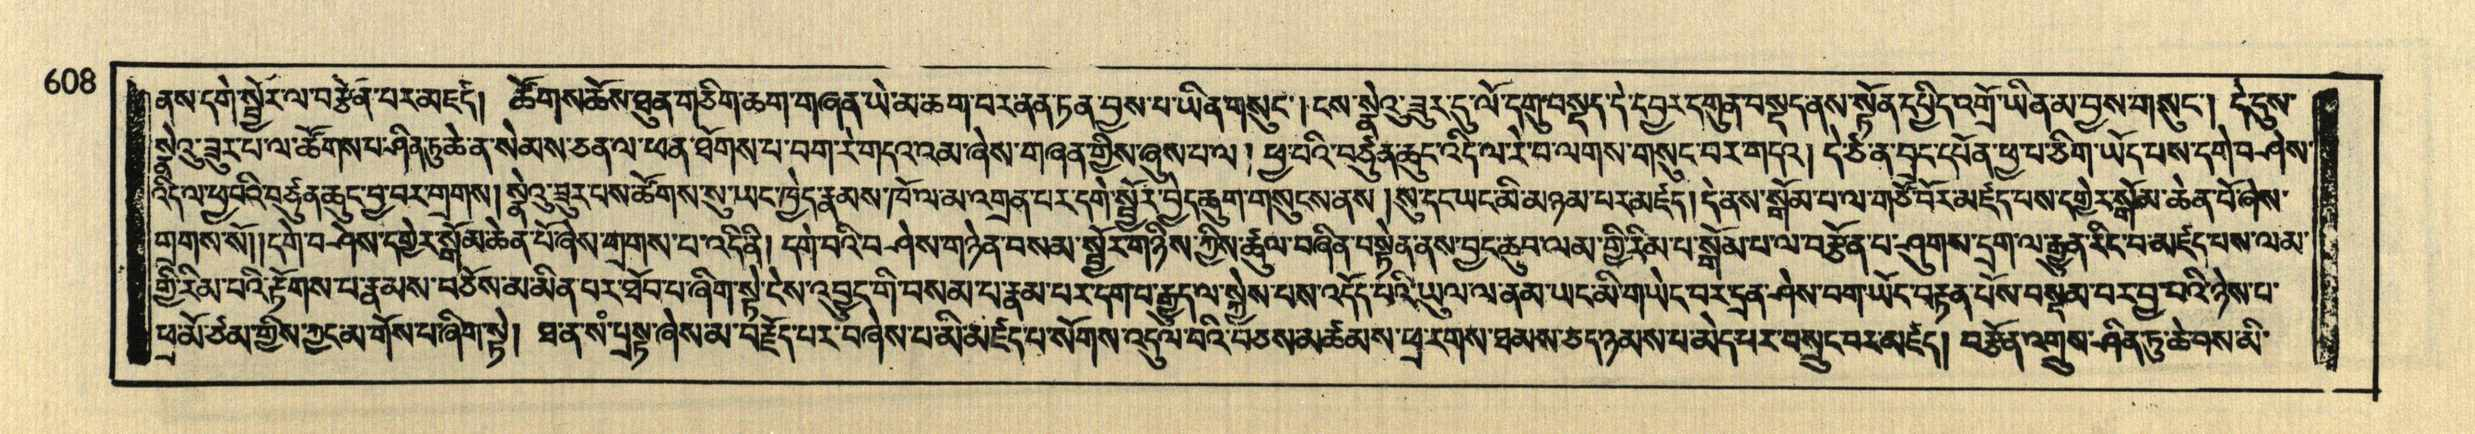ནས་དགེ་སྦྱོར་ལ་བརྩོན་པར་མཛད། ཚོགས་ཆོས་ཐུན་གཅིག་ཆག་གཞན་ཡེ་མ་ཆག་བར་ནན་ཏན་བྱས་པ་ཡིན་གསུང་། ངས་སྣེའུ་ཟུར་དུ་ལོ་དགུ་བསྡད་དེ་དབྱར་དགུན་བསྡད་ནས་སྟོན་དཔྱིད་འགྲོ་ཡིན་མ་བྱས་གསུང་། དེ་དུས་
སྣེའུ་ཟུར་པ་ལ་ཚོགས་པ་ཤིན་ཏུ་ཆེ་ན་སེམས་ཅན་ལ་ཕན་ཐོགས་པ་བག་རེ་གདའ་འམ་ཞེས་གཞན་གྱིས་ཞུས་པ་ལ། ཕྱ་བའི་བཙུན་ཆུང་འདི་ལ་རེ་བ་ལགས་གསུང་བར་གདའ། དེ་ཙ་ན་བྲང་དཔོན་ཕྱ་པ་ཅིག་ཡོད་པས་དགེ་བཤེས་
འདི་ལ་ཕྱ་བའི་བཙུན་ཆུང་བྱ་བར་གྲགས། སྣེའུ་ཟུར་པས་ཚོགས་སུ་ཡང་ཁྱེད་རྣམས་ཁོ་ལ་མ་འགྲན་པར་དགེ་སྦྱོར་བྱེད་ཆུག་གསུངས་ནས་།སུ་དང་ཡང་མི་མཉམ་པར་མཛད། དེ་ནས་སྒོམ་པ་ལ་གཙོ་བོར་མཛད་པས་དགྱེར་སྒོམ་ཆེན་པོ་ཞེས་
གྲགས་སོ། །དགེ་བཤེས་དགྱེར་སྒོམ་ཆེན་པོ་ཞེས་གྲགས་པ་འདི་ནི། དགེ་བའི་བཤེས་གཉེན་བསམ་སྦྱོར་གཉིས་ཀྱིས་ཚུལ་བཞིན་བསྟེན་ནས་བྱང་ཆུབ་ལམ་གྱི་རིམ་པ་སྒོམ་པ་ལ་བརྩོན་པ་ཤུགས་དྲག་ལ་རྒྱུན་རིང་བ་མཛད་པས་ལམ་
གྱི་རིམ་པའི་རྟོགས་པ་རྣམས་བཅོས་མ་མིན་པར་ཐོབ་པ་ཞིག་སྟེ་ངེས་འབྱུང་གི་བསམ་པ་རྣམ་པར་དག་པ་རྒྱུད་ལ་སྐྱེས་པས་འདོད་པའི་ཡུལ་ལ་ནམ་ཡང་མི་གཡེང་བར་དྲན་ཤེས་བག་ཡོང་བརྟན་པོས་བསྡམ་བར་བྱ་བའི་ཉེས་པ་
ཕྲ་མོ་ཙམ་གྱིས་ཀྱང་མ་གོས་པ་ཞིག་སྟེ། ཐ་ན་སཾ་པྲསྟ་ཞེས་མ་བརྗོད་པར་བཞེས་པ་མི་མཛད་པ་སོགས་འདུལ་བའི་བཅས་མཚམས་ཕྲ་རགས་ཐམས་ཅད་ཉམས་པ་མེད་པར་བསྲུང་བར་མཛད། བརྩོན་འགྲུས་ཤིན་ཏུ་ཆེ་བས་མི་